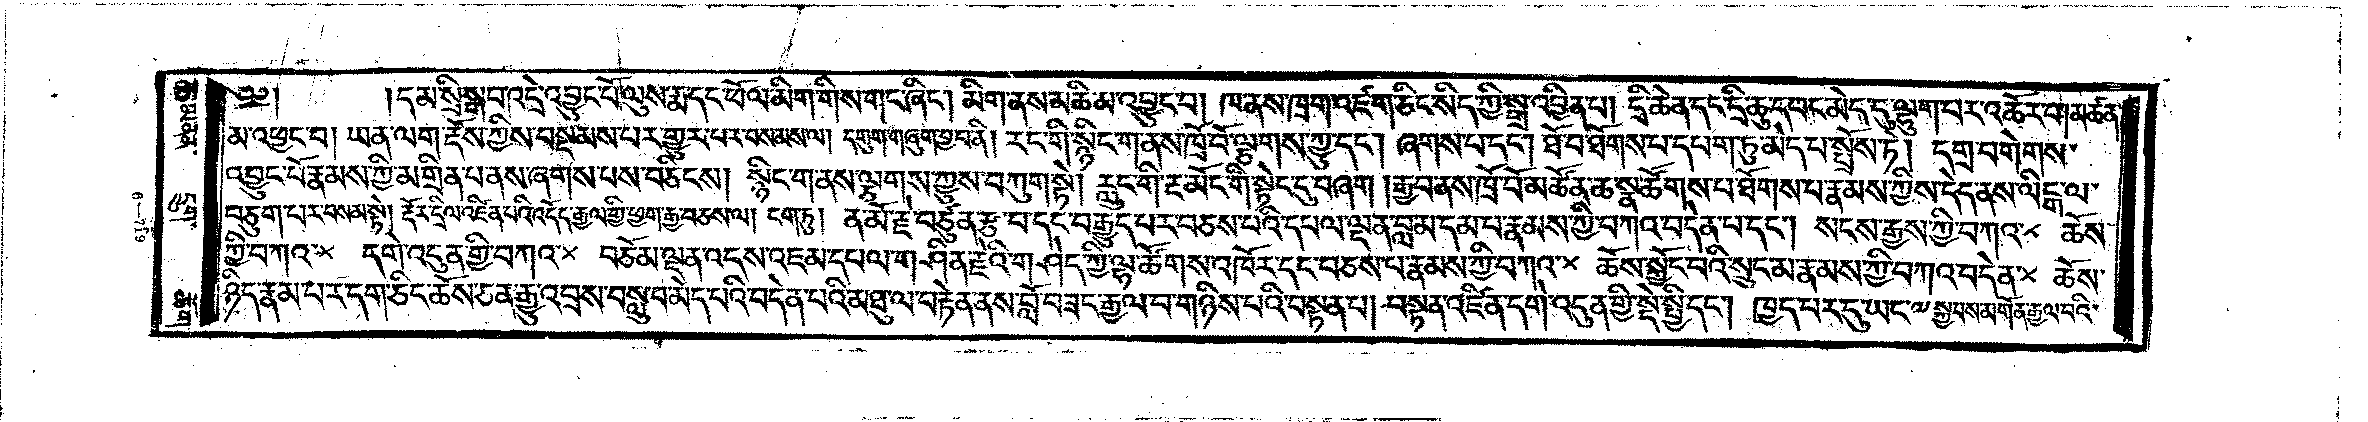༄༅། །དམ་སྲི་སྒབ་འདྲེ་འབྱུང་པོ་ལུས་རྨ་དང་ཕོལ་མིག་གིས་གང་ཞིང་། མིག་ནས་མཆི་མ་འབྱུང་བ། ཁ་ནས་ཁྲག་འཛག་ཅིང་སིད་ཀྱི་སྒྲ་འབྱིན་པ། དྲི་ཆེན་དང་དྲི་ཆུ་དབང་མེད་དུ་ལྷུག་པར་འཆོར་བ། མཚན་
མ་འཕྱང་བ། ཡན་ལག་རྡོས་ཀྱིས་བསྡམས་པར་གྱུར་པར་བསམས་ལ། དགུག་གཞུག་བྱ་བ་ནི།  རང་གི་སྙིང་གནས་ཁྲོ་བོ་ལྕགས་ཀྱུ་དང་། ཞགས་པ་དང་། ཐོ་པ་ཐོགས་པ་དཔག་ཏུ་མེད་པ་སྤྲོས་ཏེ། དགྲ་བགེགས་
འབྱུང་པོ་རྣམས་ཀྱི་མགྲིན་པ་ནས་ཞགས་པས་བཅིངས། སྙིང་གནས་ལྕགས་ཀྱུས་བཀུག་སྟེ། རླུང་གི་རྔ་མོང་གི་སྟེང་དུ་བཞག །རྒྱབ་ནས་ཁྲོ་བོ་མཚོན་ཆ་སྣ་ཚོགས་པ་ཐོགས་པ་རྣམས་ཀྱིས་དེད་ནས་ལིངྒ་ལ་
བཅུག་པར་བསམ་སྟེ། རྡོར་དྲིལ་འཛིན་པའི་འདོད་རྒྱལ་གྱི་ཕྱག་རྒྱ་བཅས་ལ། ངག་ཏུ།  ན་མོ་རྗེ་བཙུན་རྩ་བ་དང་བརྒྱུད་པར་བཅས་པའི་དཔལ་ལྡན་བླ་མ་དམ་པ་རྣམས་ཀྱི་བཀའ་བདེན་པ་དང་། སངས་རྒྱས་ཀྱི་བཀ྾འ་ཆོས་
ཀྱི་བཀའ྾་དགེ་འདུན་གྱི་བཀའ྾་བཅོམ་ལྡན་འདས་འཇམ་དཔལ་གཤིན་རྗེའི་གཤེད་ཀྱི་ལྷ་ཚོགས་འཁོར་དང་བཅས་པ་རྣམས་ཀྱི་བཀའ྾་ཆོས་སྐྱོང་བའི་སྲུང་མ་རྣམས་ཀྱི་བཀའ་བདེན྾་ཆོས་
ཉིད་རྣམ་པར་དག་ཅིང་ཆོས་ཅན་རྒྱུ་འབྲས་བསླུ་བ་མེད་པའི་བདེན་པའི་མཐུ་ལ་བརྟེན་ནས་བློ་བཟང་རྒྱལ་བ་གཉིས་པའི་བསྟན་པ། བསྟན་འཛིན་དགེ་འདུན་གྱི་སྡེ་སྤྱི་དང་། ཁྱད་པར་དུ་ཡང་༧སྐྱབས་མགོན་རྒྱལ་བའི